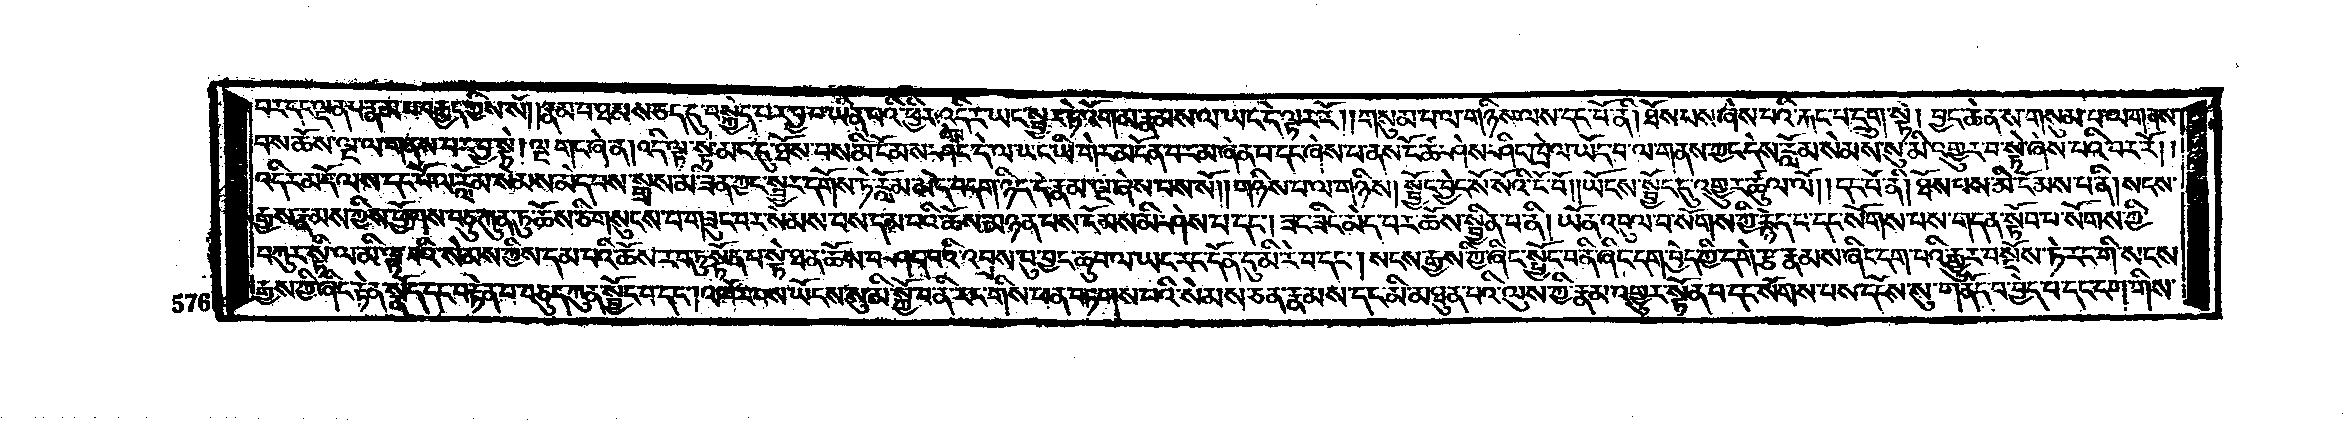པར་དང་ལྡན་པ་རྣམ་པ་བརྒྱད་ཀྱིས་སོ། །རྣམ་པ་ཐམས་ཅད་དུ་བསྐྱེད་པར་བྱ་བ་ཡིན་པའི་ཕྱིར་ཞེ་པ་འདིར་ཡང་སྦྱར་ཏེ་འོག་མ་རྣམས་ལ་ཡང་དེ་ལྟར་རོ། །གསུམ་པ་ལ་གཉིས་ལས་དང་པོ་ནི། ཐོས་པས་ཞེས་པའི་རྐང་པ་དྲུག་སྟེ། བྱང་ཆེན་ས་གསུམ་པ་ལ་གནས་
པས་ཆོས་ལྔ་ལ་གནས་པར་བྱ་སྟེ། ལྔ་གང་ཞེ་ན། འདི་ལྟ་སྟེ་མང་དུ་ཐོས་པས་མི་ངོམས་ཤིང་དེ་ལ་ཡང་ཡི་གེར་མངོན་པར་མ་ཞེན་པ་དང་ཞེས་པ་ནས་ངོ་ཚ་ཤེས་ཤིང་ཁྲེལ་ཡོད་པ་ལ་གནས་ཀྱང་དེས་རློམ་སེམས་སུ་མི་འགྱུར་བ་སྟེ་ཞེས་པའི་བར་རོ། །
འདིར་མདོ་ལས་དང་པོ་ལ་རློམ་སེམས་མེད་པས་སྒྲས་མ་ཟིན་ཀྱང་སྦྱར་དགོས་ཏེ་རློམ་མེད་བདག་ཉིད་དེ་རྣམ་ལྔ་ཞེས་པས་སོ། །གཉིས་པ་ལ་གཉིས། སྦྱོང་བྱེད་སོ་སོའི་ངོ་བོ། །ཡོངས་སྦྱོང་དུ་འགྱུར་ཚུལ་ལོ། །དང་པོ་ནི། ཐོས་པས་མི་ངོམས་པ་ནི། སངས་
རྒྱས་རྣམས་ཀྱིས་ཕྱོགས་བཅུ་ཀུན་ཏུ་ཆོས་ཅི་གསུངས་པ་གཟུང་བར་སེམས་པས་དམ་པའི་ཆོས་མཉན་པས་ངོམས་མི་ཤེས་པ་དང་། ཟང་ཟིང་མེད་པར་ཆོས་སྦྱིན་པ་ནི། ཡོན་འབུལ་བ་སོགས་ཀྱི་རྙེད་པ་དང་སོགས་པས་གདན་སྟོབ་པ་སོགས་ཀྱི་
བཀུར་སྟི་ལ་མི་ལྟ་བའི་སེམས་ཀྱིས་དམ་པའི་ཆོས་རབ་ཏུ་སྟོན་པ་སྟེ་ཐ་ན་ཆོས་བཤད་པའི་འབྲས་བུ་བྱང་ཆུབ་ལ་ཡང་རང་དོན་དུ་མི་རེ་བ་དང་། སངས་རྒྱས་ཀྱི་ཞིང་སྦྱོང་བ་ནི་ཞིང་དག་བྱེད་ཀྱི་དགེ་རྩ་རྣམས་ཞིང་དག་པའི་རྒྱུར་བསྔོས་ཏེ་རང་གི་སངས་
རྒྱས་ཀྱི་ཞིང་རྟེན་སྣོད་དང་བརྟེན་པ་བཅུད་ཀུན་སྦྱོང་བ་དང་། འཁོར་བས་ཡོངས་སུ་མི་སྐྱོ་བ་ནི་རང་གིས་ཕན་བཏགས་པའི་སེམས་ཅན་རྣམས་དང་མི་མཐུན་པའི་ལུས་ཀྱི་རྣམ་འགྱུར་སྟོན་པ་དང་སོགས་པས་དངོས་སུ་གནོད་པ་བྱེད་པ་དང་ངག་གིས་